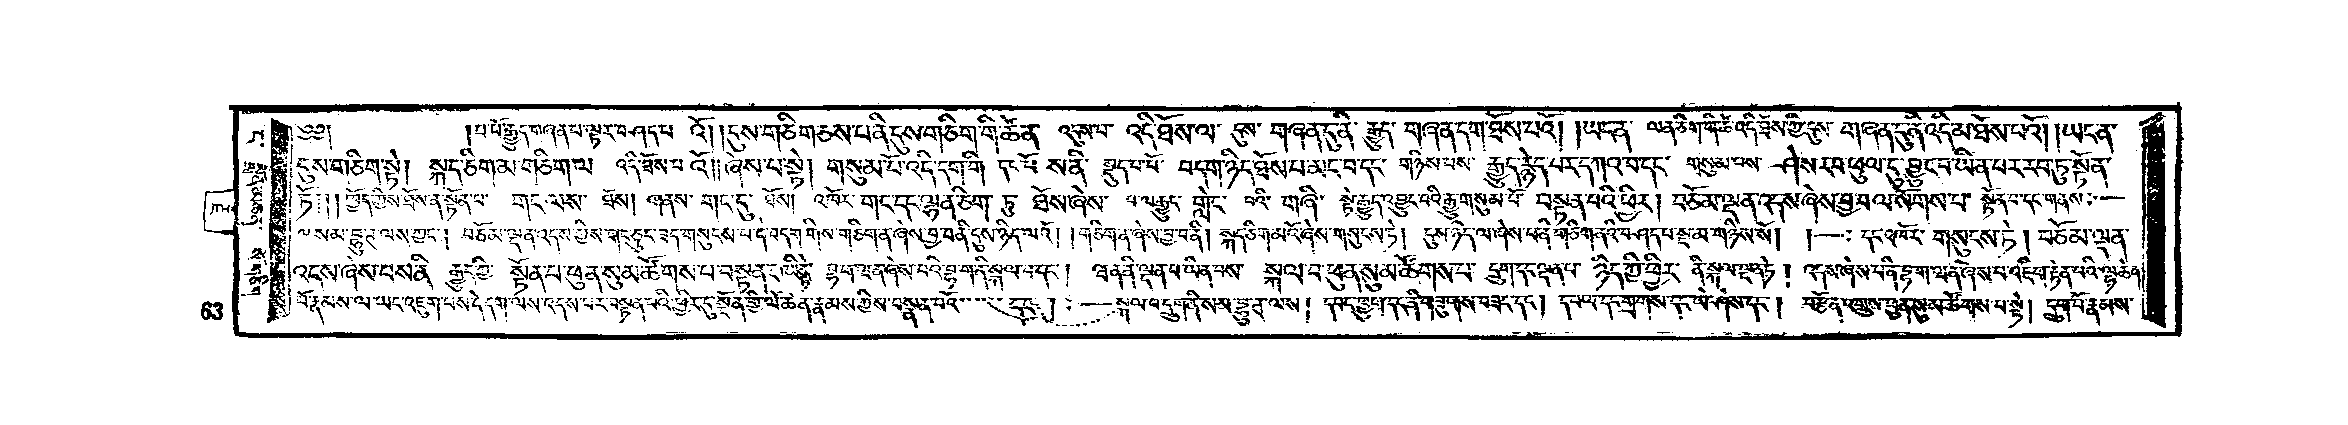༄༅། །པ་པོ་རྒྱུད་གཞན་པ་ལྟར་བཤད་པ་འོ། །དུས་གཅིག་ཅེས་པ་ནི་དུས་གཅིག་གི་ཚེ་ན་འདུས་པ་འདི་ཐོས་ལ་དུས་གཞན་དུ་ནི་རྒྱུད་གཞན་དག་ཐོས་པའོ། །ཡང་ན་ལན་ཅིག་གི་ཚེ་འདི་ཐོས་ཀྱི་དུས་གཞན་དུ་ནི་འདི་མ་ཐོས་པའོ། །ཡང་ན་
དུས་གཅིག་སྟེ། སྐད་ཅིག་མ་གཅིག་ལ་འདི་ཐོས་པའོ། །ཞེས་པ་སྟེ། གསུམ་པོ་འདི་དག་གི་དང་པོ་ས་ནི་སྡུད་པ་པོ་བདག་ཉིད་ཐོས་པ་མང་བ་དང་གཉིས་པས་རྒྱུད་རྙེད་པར་དཀའ་བ་དང་གསུམ་པས་ཤེས་རབ་ཕུལ་དུ་བྱུང་བ་ཡིན་པར་རབ་ཏུ་སྟོན་
ཏོ། །ཁྱོད་ཀྱིས་ཐོས་ན་སྟོན་པ་གང་ལས་ཐོས། གནས་གནག་དུ་ཐོས། འཁོར་གང་དང་ལྷན་ཅིག་ཏུ་ཐོས་ཞེས་པ་ལ་རྒྱུད་གླེང་པའི་གཞི་སྟེ་རྒྱུད་འབྱུང་བའི་རྒྱུ་གསུམ་པོ་བསྟན་པའི་ཕྱིར། བཅོམ་ལྡན་འདས་ཞེས་བྱ་བ་ལ་སོགས་པ་སྟོན་པ་དང་གནསཿ
༧སམ་བྷུ་ཊ་ལས་ཀྱང་། བཅོམ་ལྡན་འདས་ཀྱིས་གང་ཅུང་ཟད་གསུངས་པ་དེ་བདག་གིས་གཅིག་ན་ཞེས་བྱ་བ་ནི་དུས་ཉིད་ལའོ། །གཅིག་ན་ཞེས་བྱ་བ་ནི། སྐད་ཅིག་མའོ་ཞེས་གསུངས་ཏེ། དུས་ཉིད་ལ་ཞེས་པ་ནི་གཅིག་ནའི་བཤད་པ་སྔ་མ་གཉིས་སོ། །.Hདང་འཁོར་གསུངས་ཏེ། བཅོམ་ལྡན་
འདས་ཞེས་པས་ནི་རྒྱུད་ནི་སྟོན་པ་ཕུན་སུམ་ཚོགས་པ་བསྟན་པ་ཡིན་ཏེ་བྷ་ག་ཝན་ཞེས་པའི་བྷ་ག་ནི་སྐལ་བ་དང་། ཝན་ནི་ལྡན་པ་ཡིན་པས་སྐལ་བ་ཕུན་སུམ་ཚོགས་པ་དྲུག་དང་ལྡན་པ་ཉིད་ཀྱི་ཕྱིར་ནི་སྐལ་ལྡན་ཏེ། འདས་ཞེས་པ་ནི་བྷ་ག་ཝན་ཞེས་པ་འཇིག་རྟེན་པའི་ལྷ་ཆེན་
པོ་རྣམས་ལ་ཡང་འཇུག་པས་དེ་དག་ལས་འདས་པར་བསྟན་པའི་ཕྱིར་དུ་སྔོན་གྱི་ལོ་ཆེན་རྣམས་ཀྱིས་བསྣན་པའོ་དང་།H.་སྐལ་པ་དྲུག་ནི་སམ་བྷུ་ཊ་ལས། དབང་ཕྱུག་དང་ནི་གཟུགས་བཟང་དང་། དཔལ་དང་གྲགས་དང་ཡེ་ཤེས་དང་། བརྩོན་འགྲུས་ཕུན་སུམ་ཚོགས་པ་སྟེ། དྲུག་པོ་རྣམས་